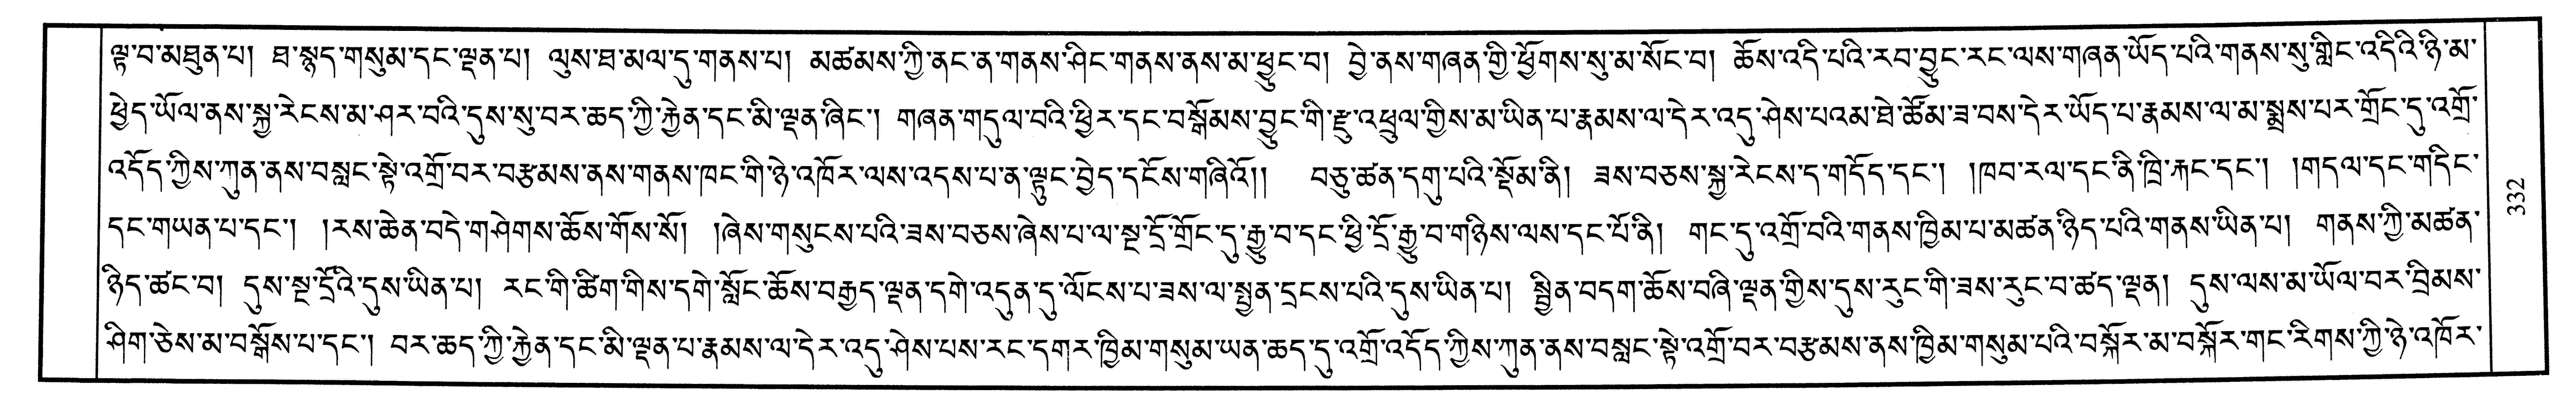ལྟ་བ་མཐུན་པ། ཐ་སྙད་གསུམ་དང་ལྡན་པ། ལུས་ཐ་མལ་དུ་གནས་པ། མཚམས་ཀྱི་ནང་ན་གནས་ཤིང་གནས་ནས་མ་ཕྱུང་བ། བྱེ་ནས་གཞན་གྱི་ཕྱོགས་སུ་མ་སོང་བ། ཆོས་འདི་པའི་རབ་བྱུང་རང་ལས་གཞན་ཡོད་པའི་གནས་སུ་གླིང་འདིའི་ཉི་མ་
ཕྱེད་ཡོལ་ནས་སྐྱ་རེངས་མ་ཤར་བའི་དུས་སུ་བར་ཆད་ཀྱི་རྐྱེན་དང་མི་ལྡན་ཞིང་། གཞན་གདུལ་བའི་ཕྱིར་དང་བསྒོམས་བྱུང་གི་རྫུ་འཕྲུལ་གྱིས་མ་ཡིན་པ་རྣམས་ལ་དེར་འདུ་ཤེས་པའམ་ཐེ་ཚོམ་ཟ་བས་དེར་ཡོད་པ་རྣམས་ལ་མ་སྨྲས་པར་གྲོང་དུ་འགྲོ་
འདོད་ཀྱིས་ཀུན་ནས་བསླང་སྟེ་འགྲོ་བར་བརྩམས་ནས་གནས་ཁང་གི་ཉེ་འཁོར་ལས་འདས་པ་ན་ལྟུང་བྱེད་དངོས་གཞིའོ།། བཅུ་ཚན་དགུ་པའི་སྡོམ་ནི། ཟས་བཅས་སྐྱ་རེངས་ད་གདོད་དང་། །ཁབ་རལ་དང་ནི་ཁྲི་རྐང་དང་། །གདལ་དང་གདིང་
དང་གཡན་པ་དང་། །རས་ཆེན་བདེ་གཤེགས་ཆོས་གོས་སོ། །ཞེས་གསུངས་པའི་ཟས་བཅས་ཞེས་པ་ལ་སྔ་དྲོ་གྲོང་དུ་རྒྱུ་བ་དང་ཕྱི་དྲོ་རྒྱུ་བ་གཉིས་ལས་དང་པོ་ནི། གང་དུ་འགྲོ་བའི་གནས་ཁྱིམ་པ་མཚན་ཉིད་པའི་གནས་ཡིན་པ། གནས་ཀྱི་མཚན་
ཉིད་ཚང་བ། དུས་སྔ་དྲོའི་དུས་ཡིན་པ། རང་གི་ཚིག་གིས་དགེ་སློང་ཆོས་བརྒྱད་ལྡན་དགེ་འདུན་དུ་ལོངས་པ་ཟས་ལ་སྤྱན་དྲངས་པའི་དུས་ཡིན་པ། སྦྱིན་བདག་ཆོས་བཞི་ལྡན་གྱིས་དུས་རུང་གི་ཟས་རུང་བ་ཚད་ལྡན། དུས་ལས་མ་ཡོལ་བར་བྲིམས་
ཤིག་ཅེས་མ་བསྒོས་པ་དང་། བར་ཆད་ཀྱི་རྐྱེན་དང་མི་ལྡན་པ་རྣམས་ལ་དེར་འདུ་ཤེས་པས་རང་དགར་ཁྱིམ་གསུམ་ཡན་ཆད་དུ་འགྲོ་འདོད་ཀྱིས་ཀུན་ནས་བསླང་སྟེ་འགྲོ་བར་བརྩམས་ནས་ཁྱིམ་གསུམ་པའི་བསྐོར་མ་བསྐོར་གང་རིགས་ཀྱི་ཉེ་འཁོར་